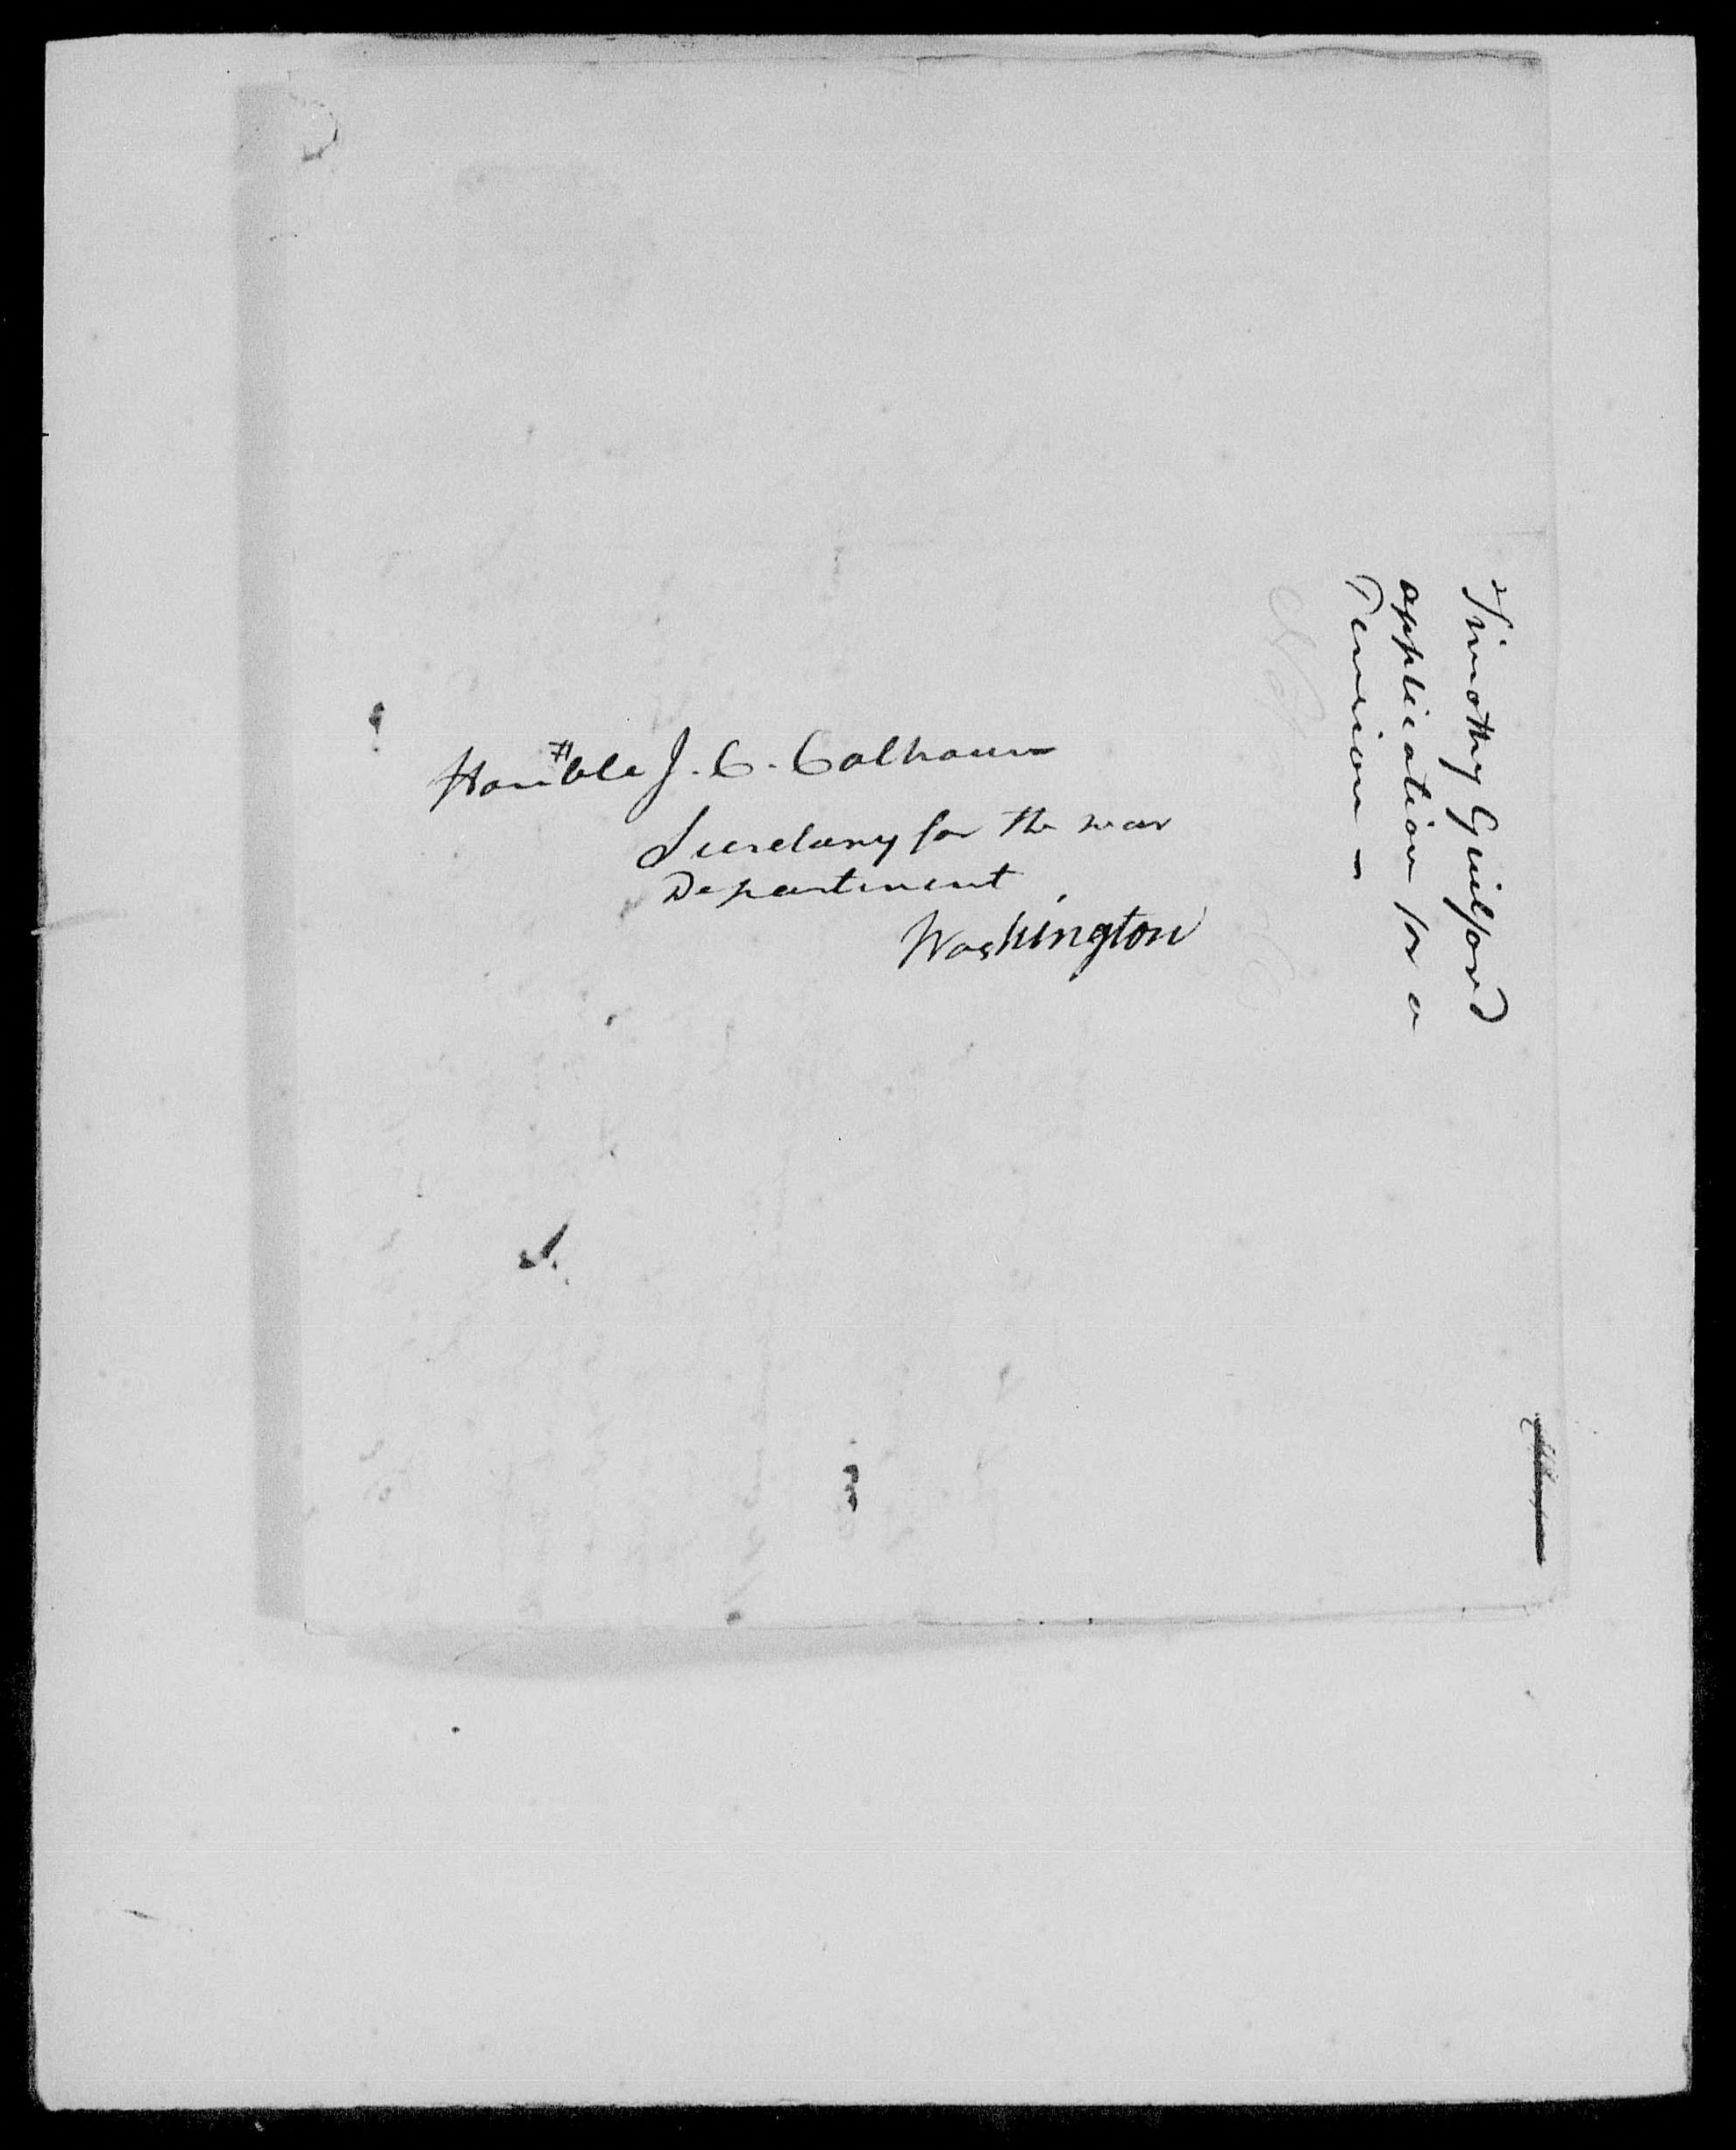Side Note:

Timothy Guilford  application for a pension.

Honorable J.C. Calhoun
Secretary for the War Department
Washington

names: J C Calhoun, Timothy Guilford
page: 4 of 26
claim: widow's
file: W. 21,238, Timothy Guilford, Mass.